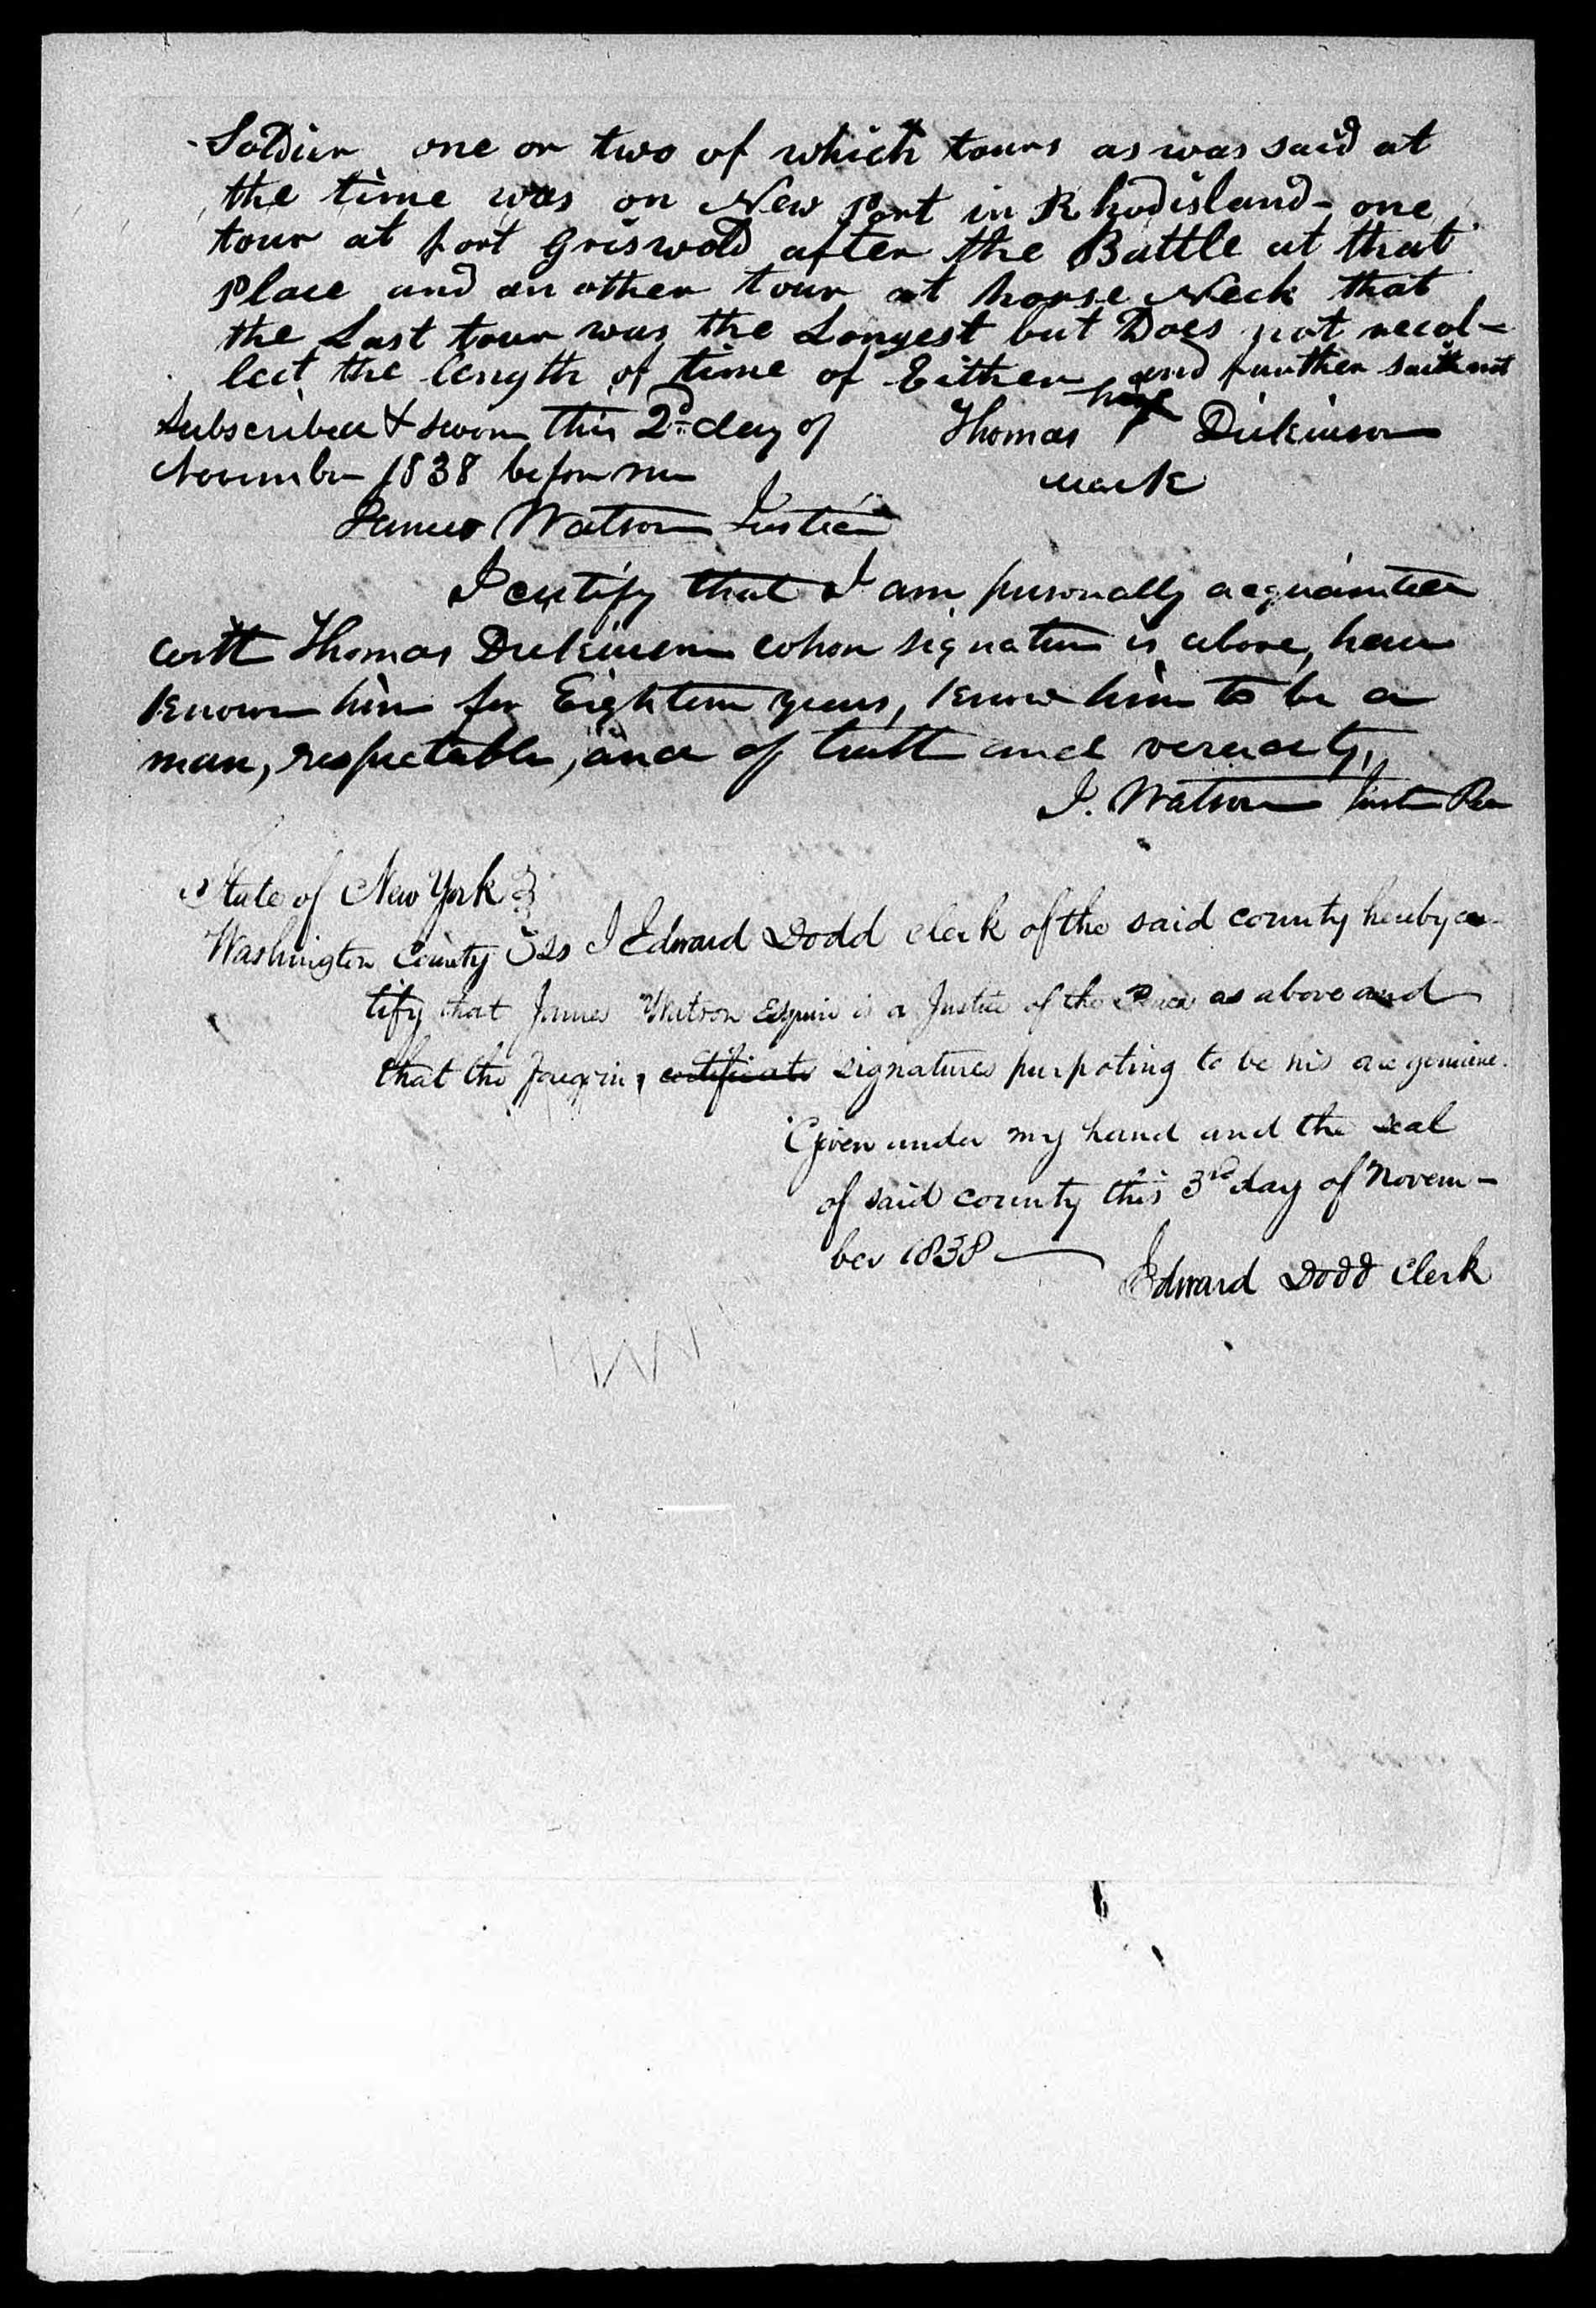Soldier, one or two of which tours as was said at the time was on New pont in Rhodisland - one tour at Fort Griswold after the Battle at that Place and an other tour at HorseNeck that the Last tour was the Longest but Does not recollect the length of time of Either and further [] [] and sworn this 2d day of November 1838 before me James Watson L[]

Thomas Dickinson
[]

I certify that I am personally acquainted with Thomas Dickinson whose signature is above, hear known him for Eighteen years, [] him to be a man, respectable, and of truth and veracity
J. Watson []

State of New York
Washington County [] I Edward Dodd clerk of the said county hereby certify that James Watson E[] is a Justice of the Peace as above and that the forgoing [certificate crossed out] signature p[]ting to be his [] genuine.
Give under my hand and the seal of said county this 3rd day of November 1838
Edward Dodd Clerk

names: James Watson, Thomas Dickinson, Edward Dodd, James Watson, J Watson, Thomas Dickinson, Edward Dodd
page: 16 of 60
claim: widow's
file: W 16,955, Samuel Dickinson, Conn.